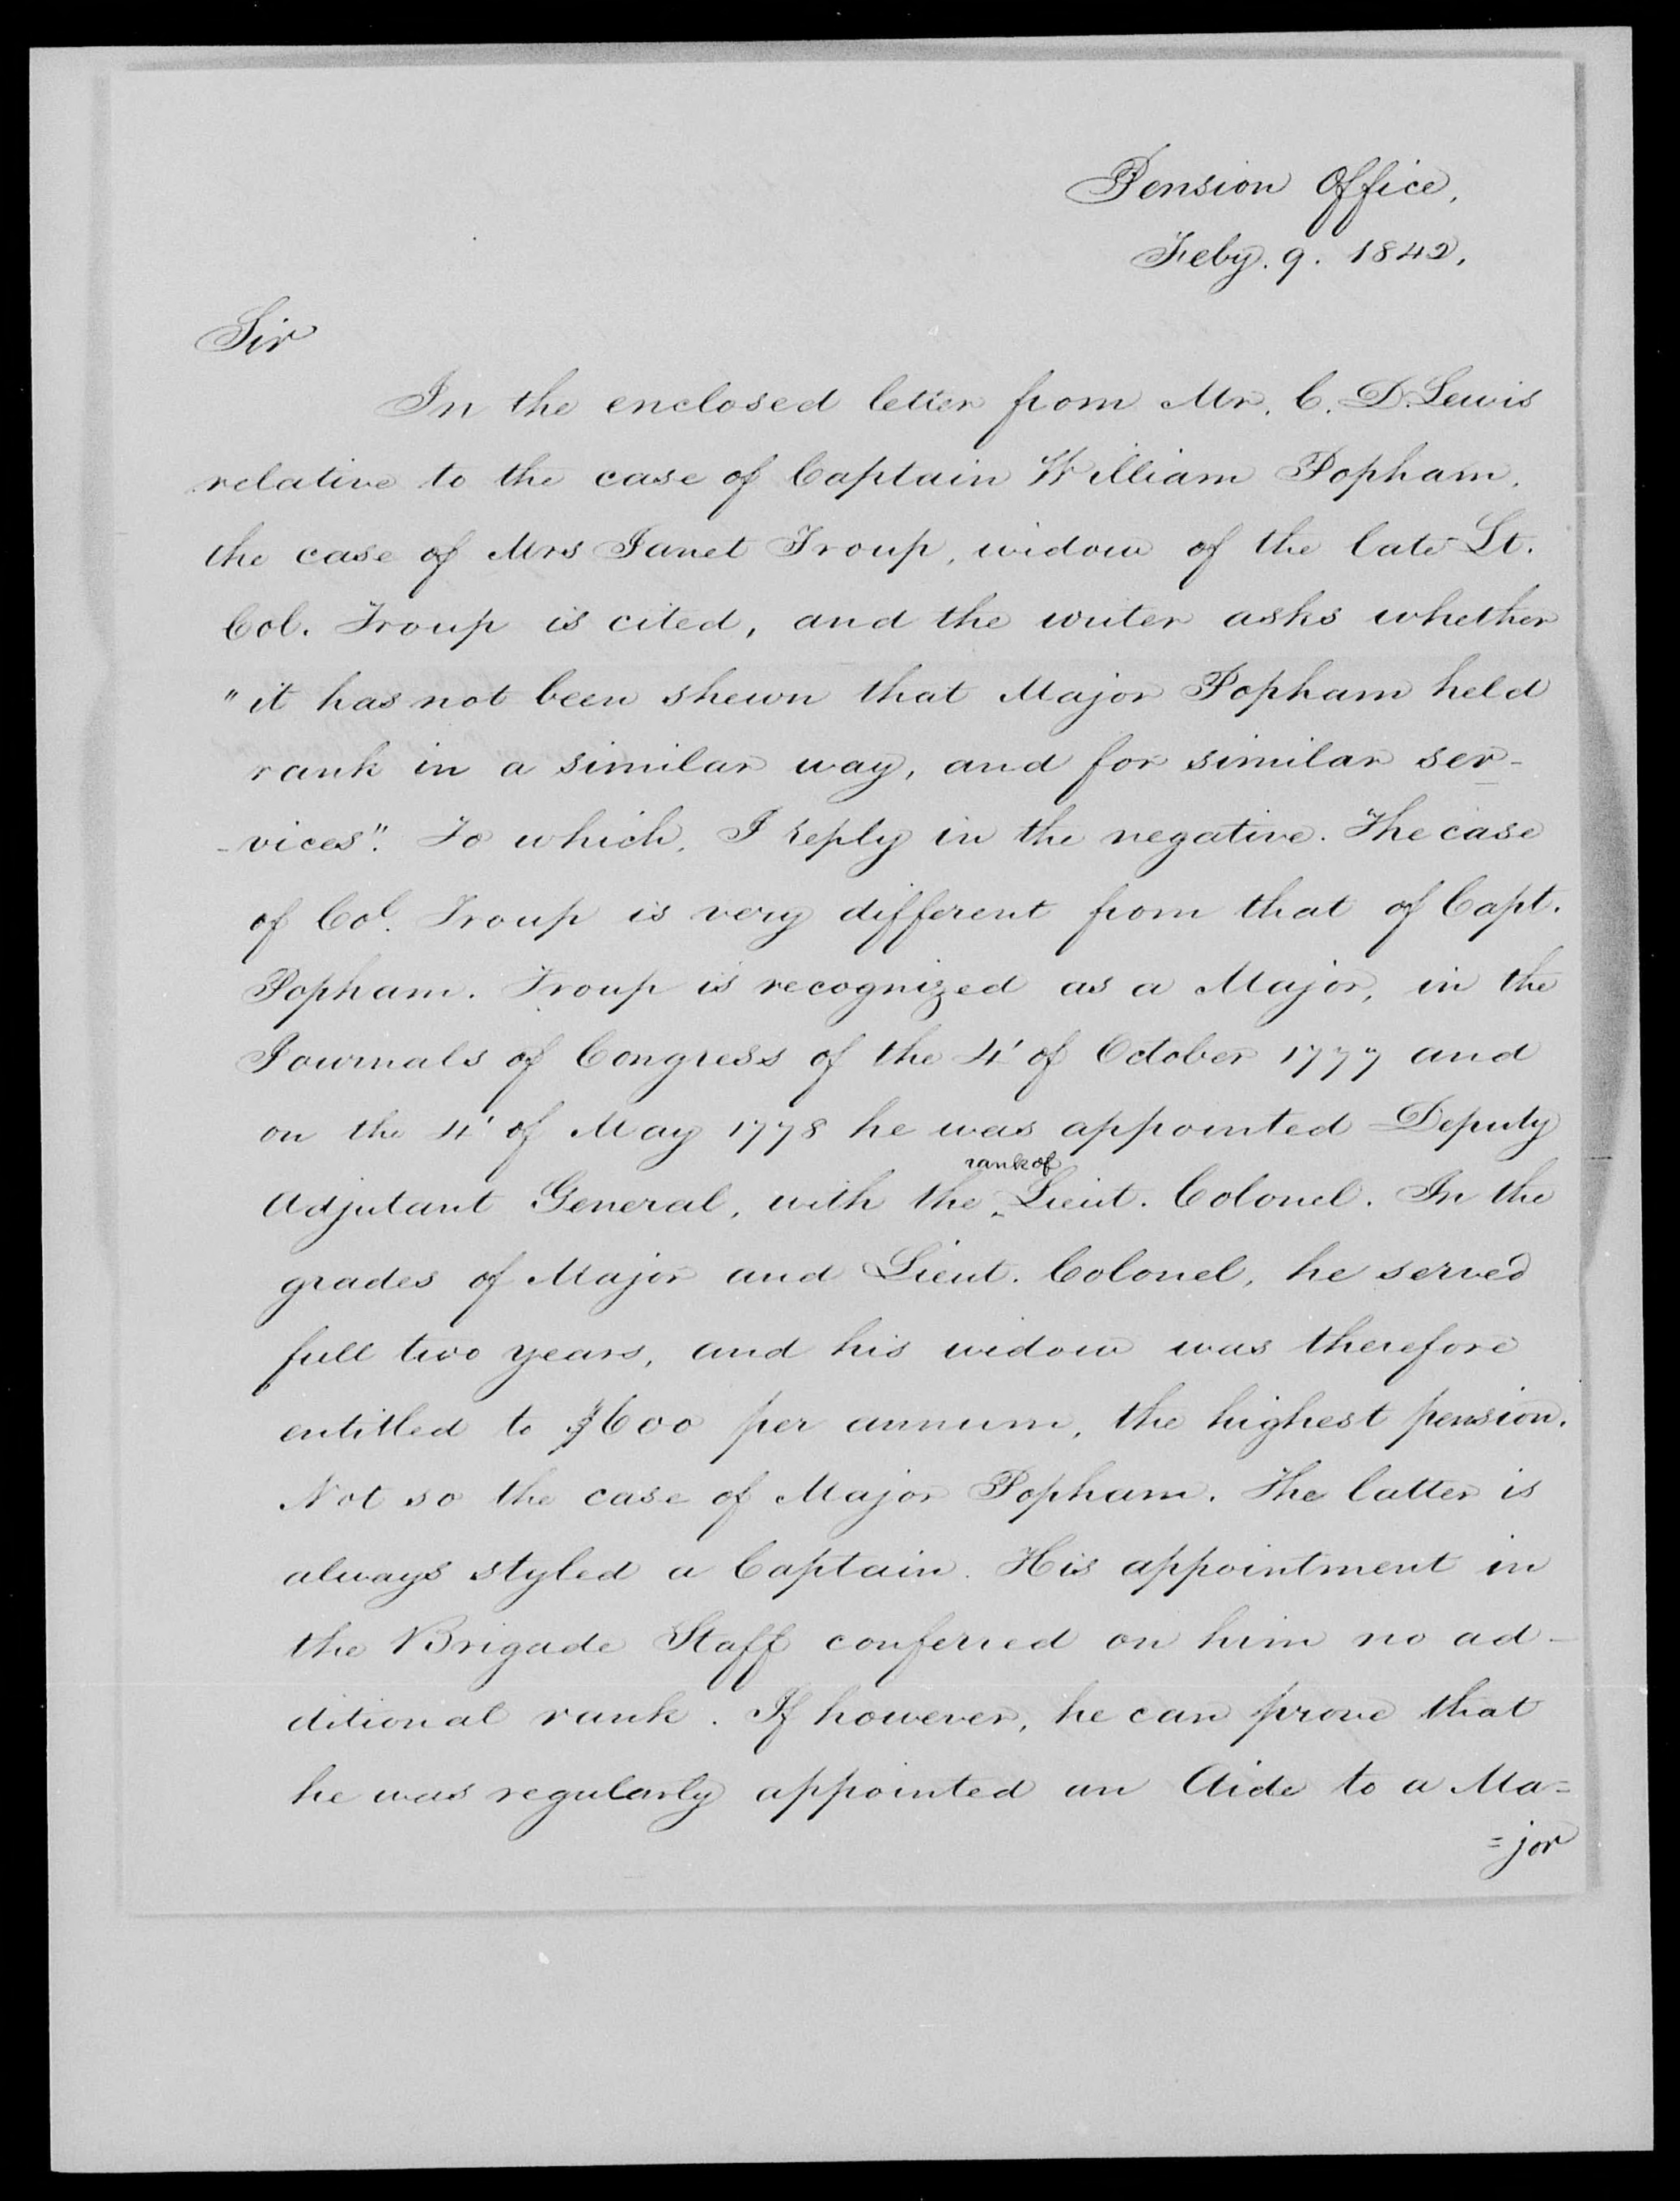Pension Office,
Feby 9. 1842,
Sir
In the enclosed letter from Mr. C. D. Lewis
relative to the case of Captain William Popham
the case of Mrs Janet Troup, widow of the late Lt.
Col. Troup is cited, and the writer asks whether
"it has not been shown that Major Popham held
rank in a similar way, and for similar services."
To which, I reply in the negative. The case
of Col. Troup is very different from that of Capt.
Popham. Troup is recognized as a Major, in the
Journals of Congress of the 4' of October 1777 and
on the 4' of May 1778 he was appointed Deputy
Adjutant General, with the ^rank of Lieut. Colonel. In the
grades of Major and Lieut Colonel, he served
full two years, and his widow was therefore
entitled to $600 per annum, the highest pension.
Not so the case of Major Popham. The latter is
always styled a Captain. His appointment in
the Brigade Staff conferred on him no additional
rank. If however, he can prove that
he was regularly appointed an Aide to a Major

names: William Popham; C D Lewis; Janet Troup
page: 36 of 75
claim: survivor's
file: S. 9989, for William Popham, Delaware